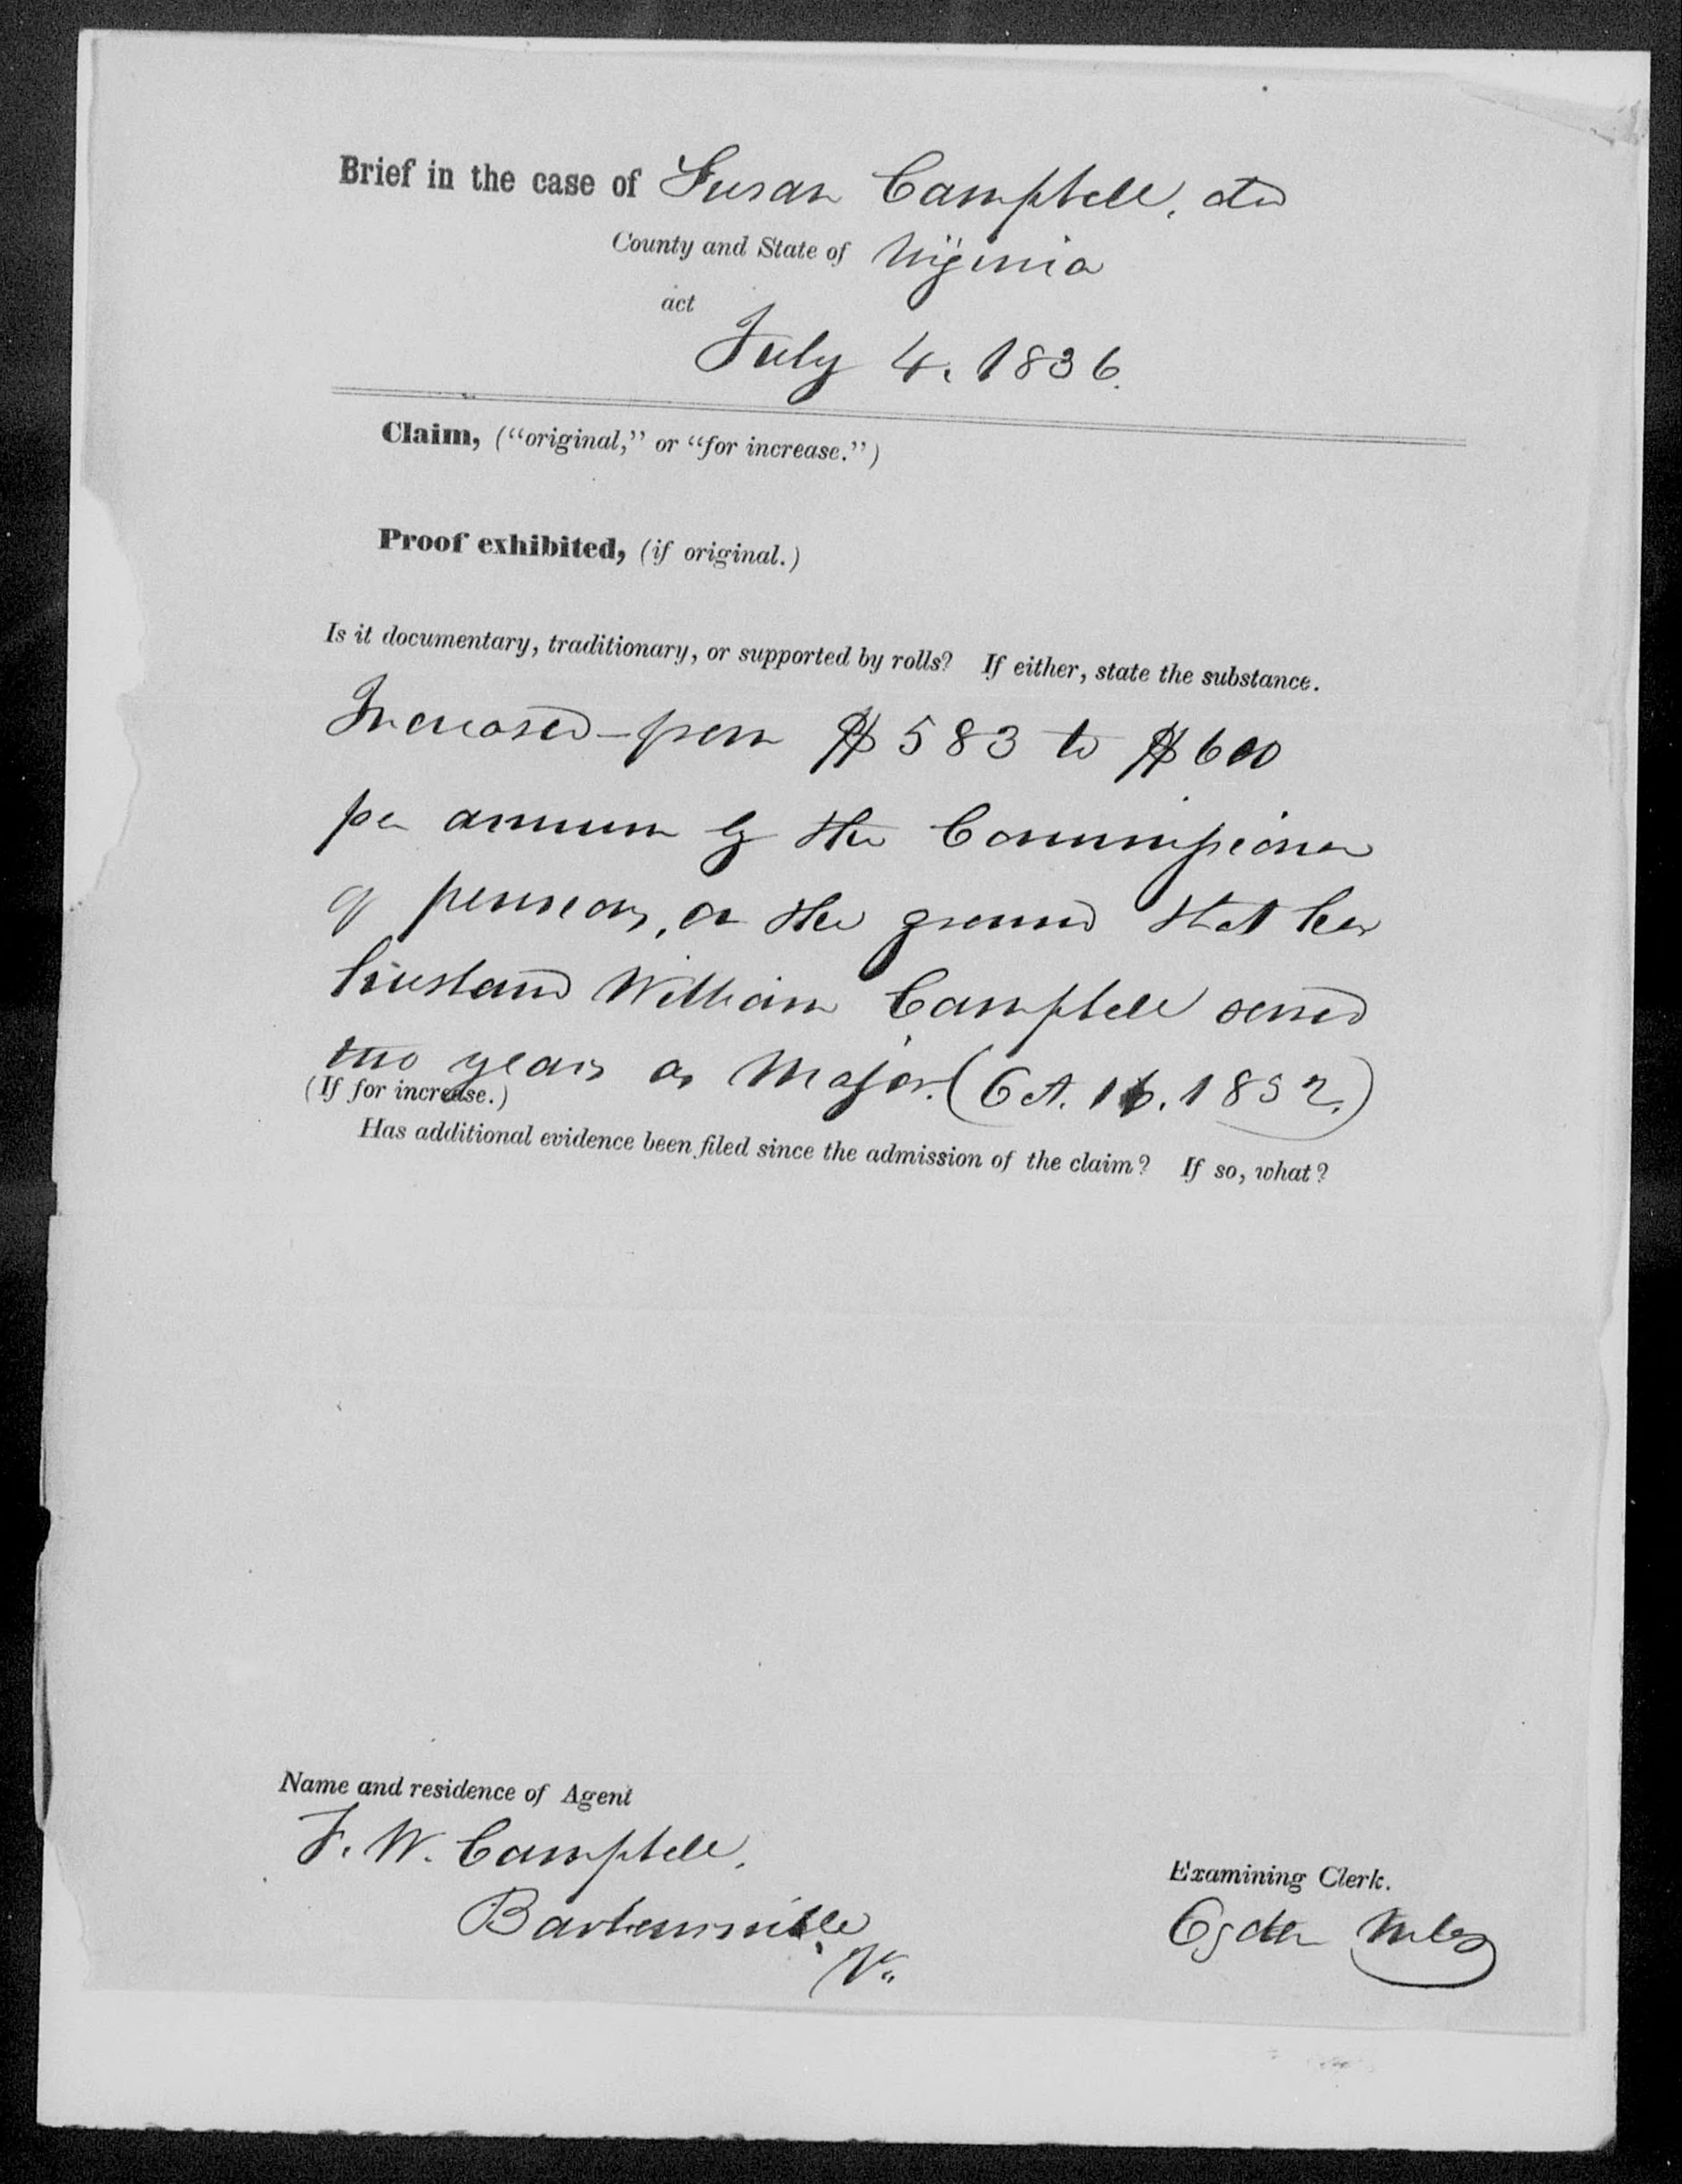Brief in the case of Susan Campbell, dec
County and State of Virginia
act July 4, 1836.

Claim, ("original," or "for increase.")

Proof exhibited, (if original.)
Is it documentary, traditionary, or supported by rolls? If either, state the substance.
Increase from $583 to $6-- per annum by the Commissioner of pensions, on the ground that her husband William Campbell served two years as Major. (Oct. 16, 1852.)

(If for increase.)
Has additional evidence been filed since the admission of the claim? If so, what?

Name and residence of Agent
F. W. Campbell,
Barboursville
Va..

Examining Clerk.
Ogden Niles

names: William Campbell, Ogden Niles, F W Campbell, Susan Campbell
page: 130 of 267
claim: widow's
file: W. 4,149, William Campbell, Va.